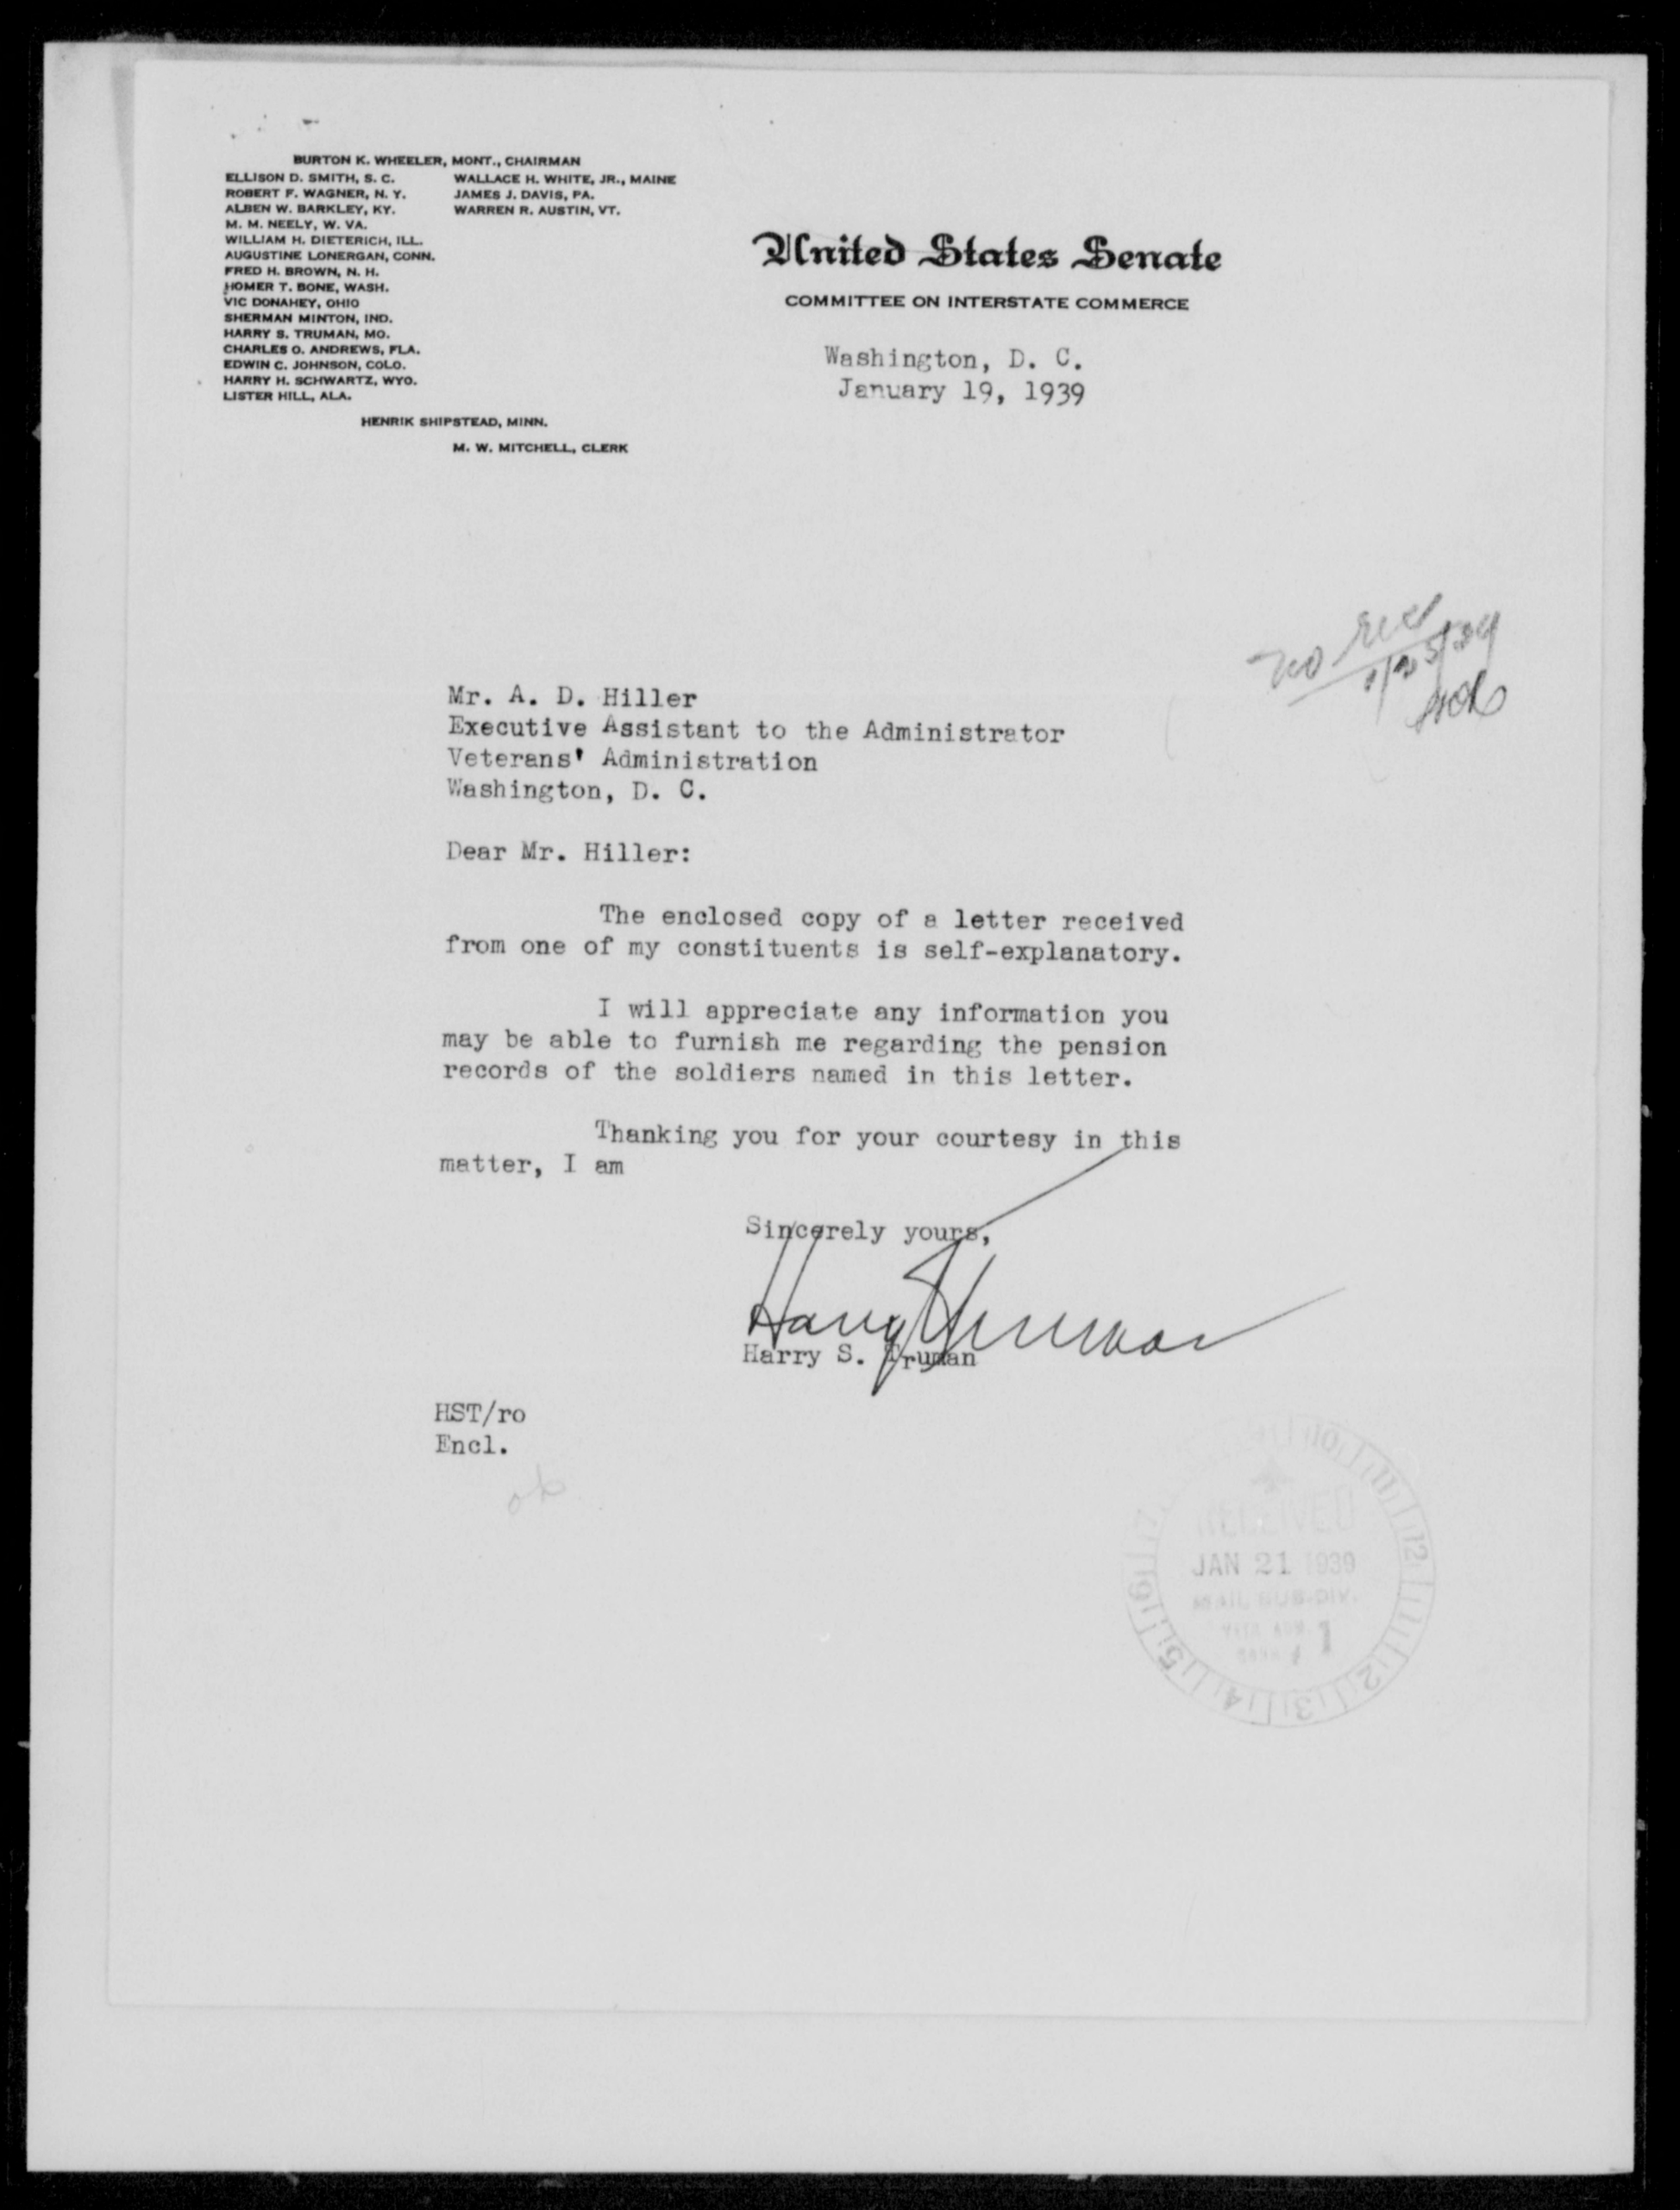BURTON K. WHEELER, MONT., CHAIRMAN
ELLISON D. SMITH, S. C.
ROBERT F. WAGNER, N.Y.
ALDEN W. BARKLEY, KY.
M. M. NEELY, W. VA.
WILLIAM H. DIETRICH,, ILL.
AUGUSTINE LONERGAN, CONN.
FRED N. BROWN, N.H. 
HOMER T. BONE, WASH.
VIC DONAHEY, OHIO
SHERMAN MINTON, IND.
HARRY S. TRUMAN, MO.
CHARLES O. ANDREWS, FLA.
EDWIN C. JOHNSON, COLO.
HARRY H. SCHWARTZ, WYO.
LESTER HILL, ALA.
WALLACE H. WHITE, JR., MAINE
JAMES J. DAVIS, PA.
WARREN R. AUSTIN, VT.
HENRIK SHIPSTEAD, MINN.
M. W. MITCHELL, CLERK
no rec 1/25/39

United States Senate
COMMITTEE ON INTERSTATE COMMERCE
Washington, D. C.
January 19, 1939

Mr. A. D. Hiller
Executive Assistant to the Administrator
Veterans' Administration
Washington, D. C.

Dear Mr. Hiller:

The enclosed copy of a letter received
from one of my constituents is self explanatory.

I will appreciate any information you
may be able to furnish me regarding the pension
records of the soldiers named in this letter.

Thanking you for your courtesy in this
matter, I am

Sincerely yours,
Harry S. Truman

HST/ro
Encl.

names: Fred H Brown, Ellison D Smith, Lister Hill, Edwin C Johnson, Wallace H White, Homer T Bone, Warren R Austin, Augustine Lonergan, Harry S Truman, Vic Donahey, Harry S Truman, Alben W Barkley, M M Neely, A D Hiller, Harry S Truman, William H Dieterich, Robert F Wagner, Charles O Andrews, Hendrik Shipstead, James J Davis, Burton K Wheeler, Sherman Minton, Hiller, M W Mitchell, Harry H Schwartz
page: 35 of 51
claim: rejected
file: R. 10,921, William Vawter, Va.